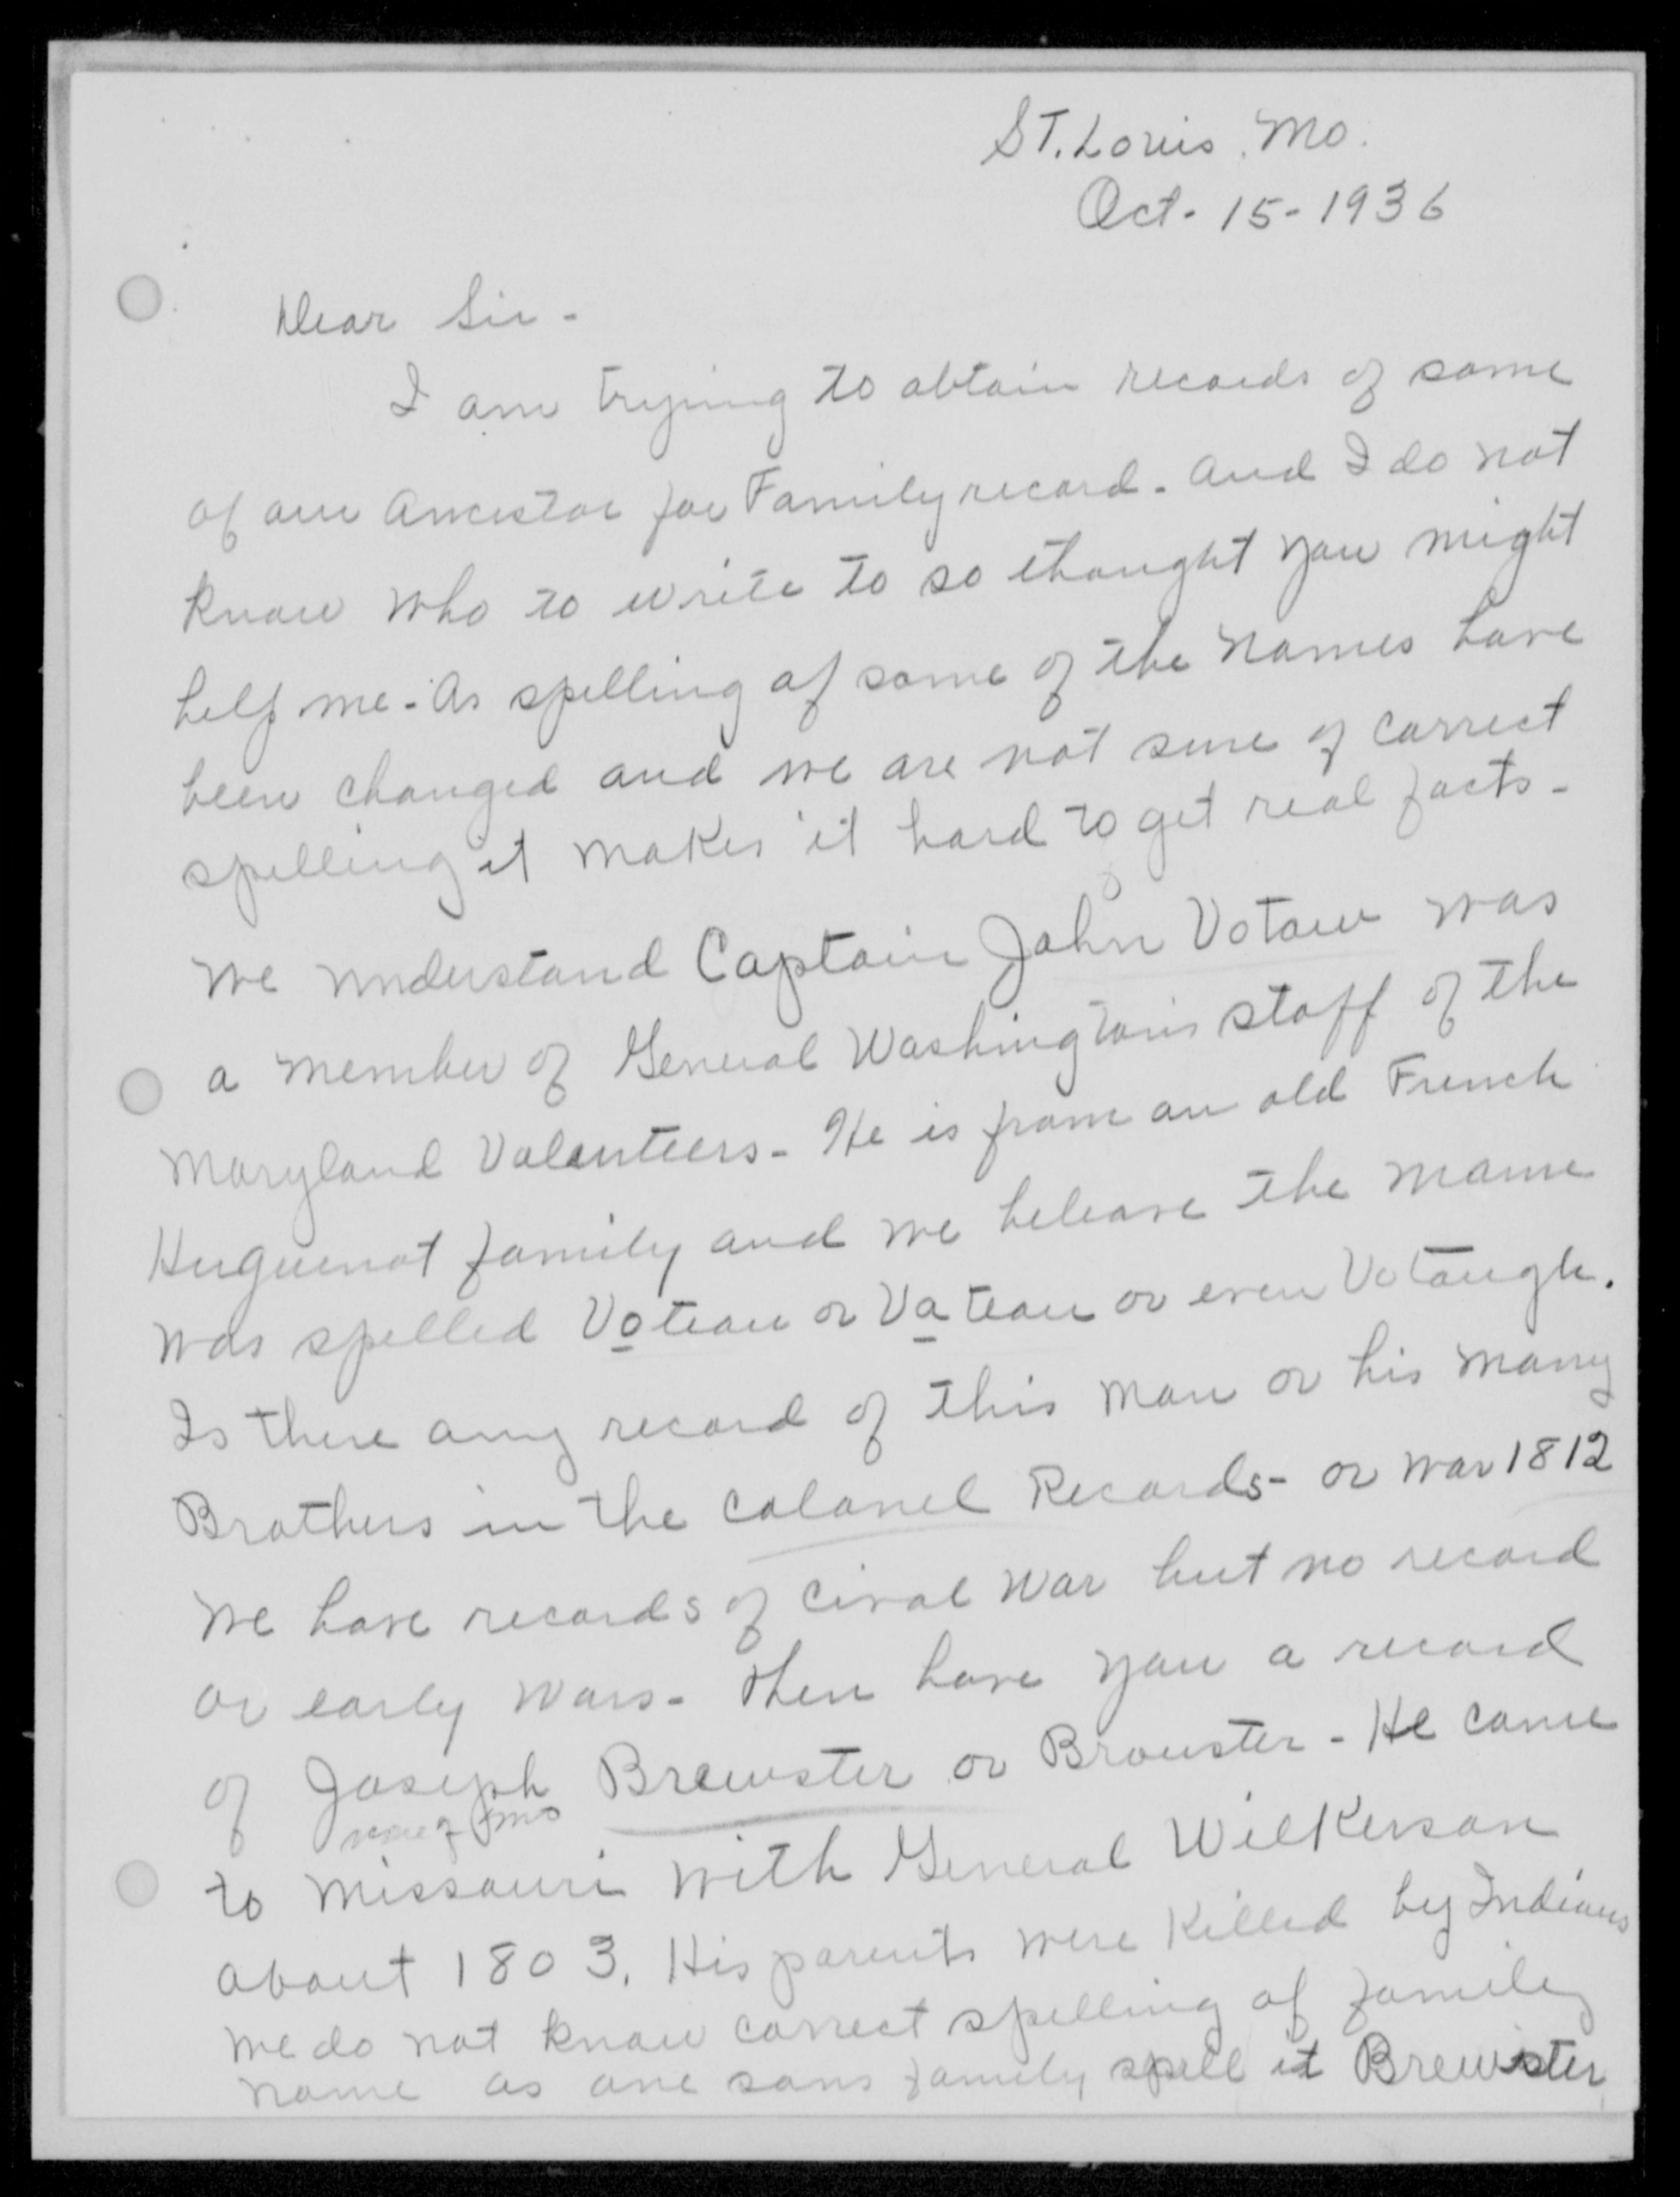St. Louis Mo.
Oct. 15, 1936

Dear Sir-
I am trying to obtain records of same
of our ancestor for Family record, and I do not
know who to write to so thought you might
help me, as spelling of some of the names have
been changed and we are not sure of correct
spelling it makes it hard to get real facts
We understand Captain John Votaw was a
member of General Washington staff of the
Maryland Volunteers. He is from an old French
Huguenot family and we beleave the name
was spelled Voteau  or Vateau or even Votaugh.
Is there any record of this man or his many
Brothers in the Colonel Records - or War 1812
We have records of Civil War but no record
or early wars, then have you a record
of Joseph Brewster or Brouster. He came
rep of MO
to Missouri with General Wilkerson
about 1803. His parents were killed by Indians
We do not know correct spelling of family
name as one sons family spell it Brewster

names: John Votaw, Joseph Brewster, Wilkerson, Joseph Brouster, Brewster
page: 39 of 51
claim: rejected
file: R. 10,921, William Vawter, Va.